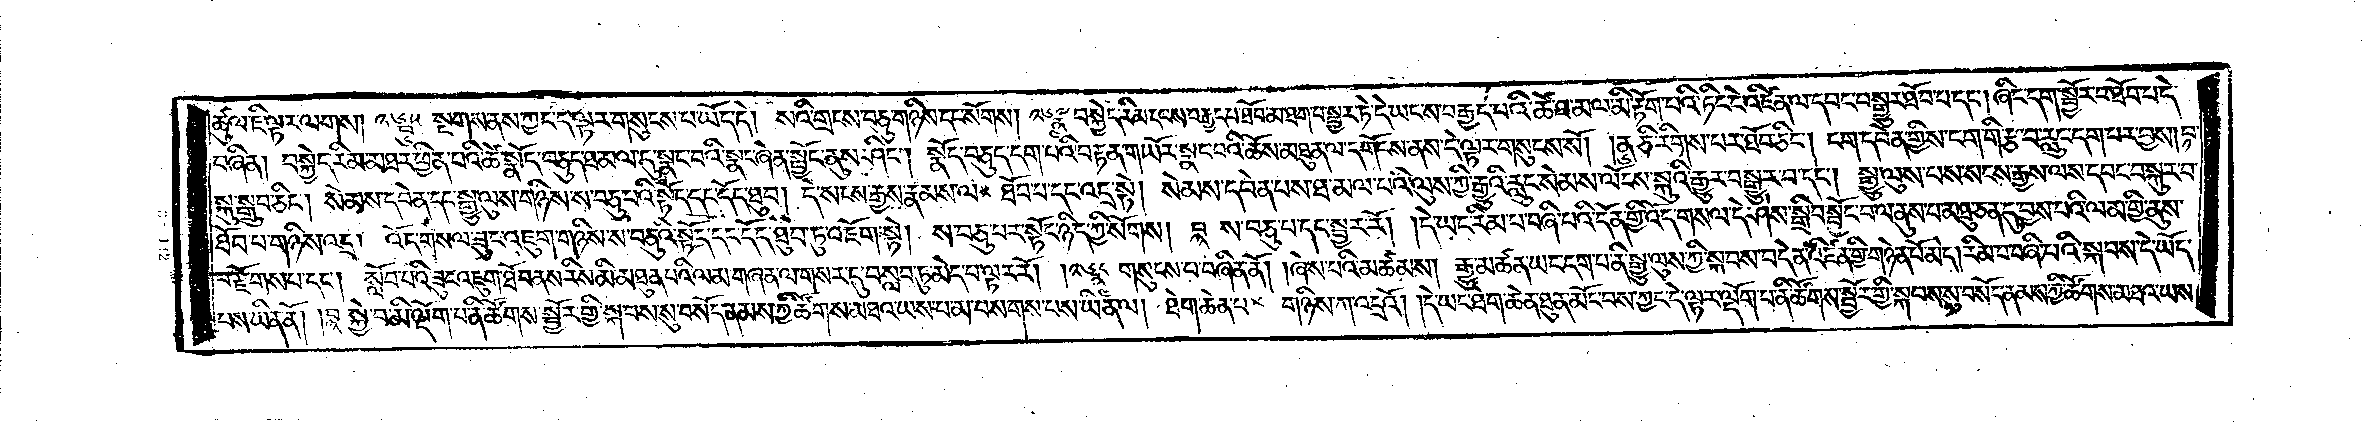ཚུལ་ཇི་ལྟར་ལགས། ༢༦༥བ༦་སྔགས་ནས་ཀྱང་དེ་ལྟར་གསུངས་པ་ཡོད་དེ། སའི་གྲངས་བཅུ་གཉིས་དང་སོགས། ༢༦༧ན༤་བསྐྱེད་རིམ་དབང་བརྒྱད་པ་ཐོབ་མ་ཐག་པ་སྦྱར་ཏེ་དེ་ཡང་ས་བརྒྱད་པའི་ཚེ་ཐ་མལ་མི་རྟོག་པའི་ཏིང་ངེ་འཛིན་ལ་དབང་བསྒྱུར་ཐོབ་པ་དང་། ཞིང་དག་སྦྱོར་འཐོབ་པ་དེ་
བཞིན། བསྐྱེད་རིམ་མཐར་ཕྱིན་པའི་ཚེ་སྣོད་བཅུད་ཐ་མལ་དུ་སྣང་བའི་སྣང་ཞེན་སྦྱོང་ནུས་ཤིང་། སྣོད་བཅུད་དག་པའི་བརྟན་གཡོར་སྣང་བའི་ཆོས་མཐུན་ལ་དགོངས་ནས་དེ་ལྟར་གསུངས་སོ། །ན༦་ཅི་རིགས་པར་ཐོབ་ཅིང་། ངག་དབེན་གྱིས་ངག་གི་རྩ་བ་རླུང་དག་པར་བྱས། བ༡
སྐུ་སྒྲུབ་ཅིང་། སེམས་དབེན་དང་སྒྱུ་ལུས་གཉིས་པ་བཅུ་པའི་སྟོང་དང་དོད་ཐུབ། དེ་སངས་རྒྱས་རྣམས་ལ྾་ཐོབ་པ་དང་འདྲ་སྟེ། སེམས་དབེན་པས་ཐ་མལ་པའི་ལུས་ཀྱི་རྒྱུའི་རླུང་སེམས་ལོངས་སྐུའི་རྒྱུར་བསྒྱུར་བ་དང་། སྒྱུ་ལུས་པས་སངས་རྒྱས་ལས་དབང་བསྐུར་བ་
ཐོབ་པ་གཉིས་འདྲ། འོད་གསལ་ཟུང་འཇུག་གཉིས་ས་བཅུའི་སྟོད་དང་དོད་ཐུབ་ཏུ་འཇོག་སྟེ། ས་བཅུ་པར་སྟོང་ཉིད་ཀྱི་སོགས། བ༣་ས་བཅུ་པ་དང་སྦྱར་རོ། །དེ་ཡང་རིམ་པ་བཞི་པའི་དོན་གྱི་འོད་གསལ་དེ་ཤེས་སྒྲིབ་སྦྱོང་བ་ལ་ནུས་པ་མཐུ་ཅན་དུ་བྱས་པའི་ལམ་གྱི་ནུས་
པ་རྫོགས་པ་དང་། སློབ་པའི་ཟུང་འཇུག་ཐོབ་ནས་རིས་མི་མཐུན་པའི་ལམ་གཞན་ལ་གསར་དུ་བསླབ་ཏུ་མེད་པ་ལྟར་རོ། །༢༦༨ན༤་གསུངས་པ་བཞིན་ནོ། །ཞེས་པའི་མཚམས། རྒྱུ་མཚན་ཡང་དག་པ་ནི་སྒྱུ་ལུས་ཀྱི་སྐབས་བདེན་འཛིན་གྱི་གཉེན་པོ་མེད། རིམ་པ་བཞི་པའི་སྐབས་དེ་ཡོད་
པས་ཡིན་ནོ། །བ༣་སྐྱེ་བ་མི་ལྡོག་པ་ནི་ཚོགས་སྦྱོར་གྱི་སྐབས་སུ་བསོད་ནམས་ཀྱི་ཚོགས་མཐའ་ཡས་པ་མ་བསགས་པས་ཡིན་ལ། ཐེག་ཆེན་པ྾་གཉིས་ཀ་འདྲའོ། །དེ་ཡང་ཐེག་ཆེན་ཐུན་མོང་པས་ཀྱང་དེ་ལྟར་ལྡོག་པ་ནི་ཚོགས་སྦྱོར་གྱི་སྐབས་སུ་བསོད་ནམས་ཀྱི་ཚོགས་མཐའ་ཡས་